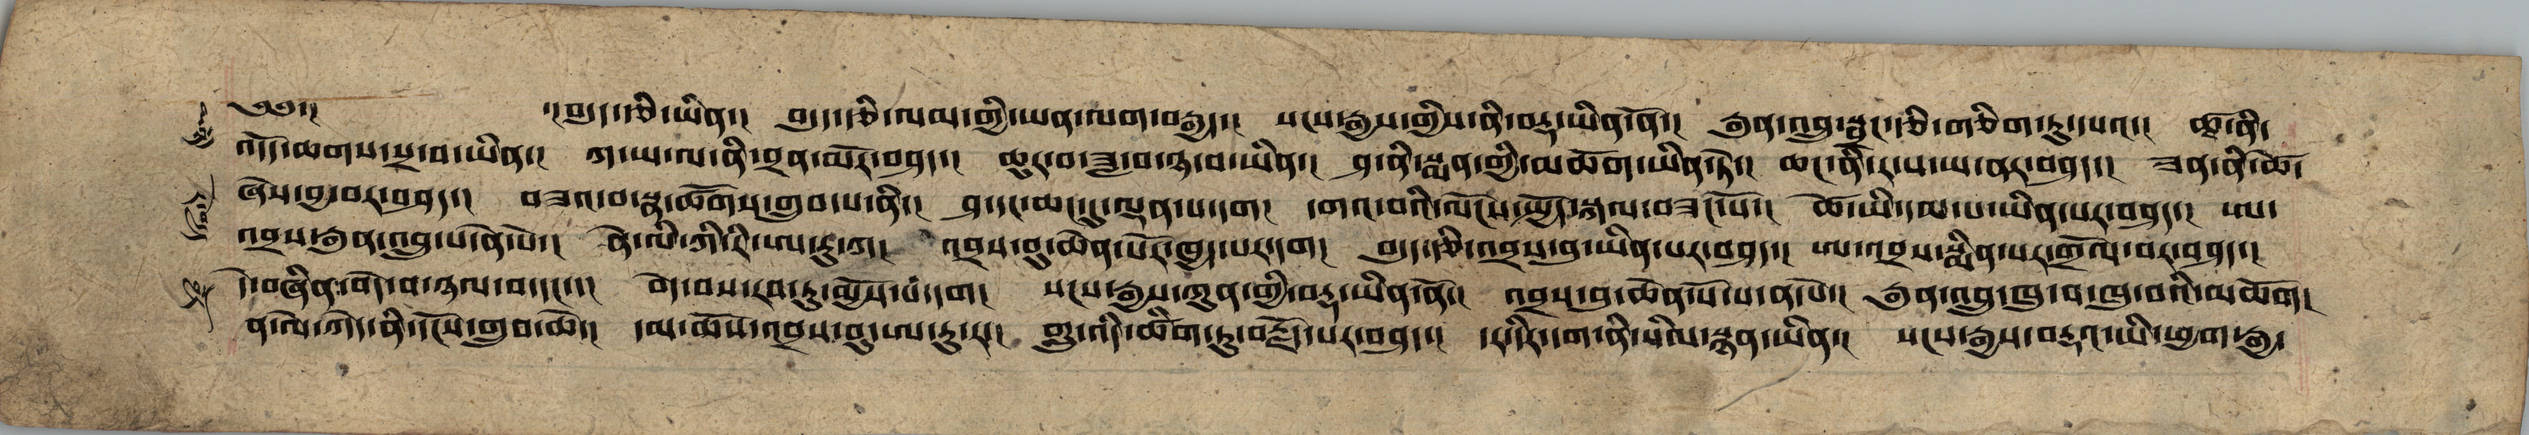༄༅་། ་།བདུད་རྩི་ཡིན་། བདུད་རྩི་ལམ་གྱི་ཡན་ལག་བརྒྱད་། སངས་རྒྱས་གྱིས་ནི་བརྡ་ཡིན་ནོ་། རྒུན་འབྲུ་སྦྲང་རྩི་གཅིག་ཏུ་དཔའ་། ཚྭ་ནི་
འདོད་ཆགས་སྲ་བ་ཡིན་། ཀ་ཡ་ལ་ནི་བྲན་མོར་བཤད་། ཆུར་བ་ཟླ་བ་ཉ་བ་ཡིན་། ཤ་ནི་སྨན་གྱི་མཆོག་ཡིན་ཏེ་། ཆང་ནི་ར་ས་ཡ་ནར་བཤད་། ཟན་ནི་ཚེ
ཞེས་བྱ་བར་བཤད་། བཟའ་བ་སྣ་ཚོགས་གྲུབ་པ་ནི་། ཤ་དང་ཆང་དུ་ལྡན་པ་དག་། དགའ་བའི་ལོངས་སྤྱོད་སྐལ་བཟང་པོ་། ཚེ་ཡི་དམ་པ་ཡིན་པར་བཤད་། ཨ་
འབྲས་རྒུན་འབྲུ་པ་ནེ་པོ་། ནེ་ལི་ཀི་རི་ཨ་རུ་ཀ། འབྲས་བུ་ཆེན་པོར་ཁྱད་པར་དག། བདུད་རྩི་འབྲས་བུ་ཡིན་པར་བཤད་། ཨ་འབྲས་སྨིན་པར་གྲོལ་བར་བཤད་།
དེ་བཞིན་བདེ་བ་ཉལ་བ་དང་་། བདེ་བས་རབ་ཏུ་མྱོས་པ་དག། སངས་རྒྱས་ཀུན་གྱི་བརྡ་ཡིན་ནོ་། འབྲས་བུ་ཆེན་པོ་པ་ན་པེ་། རྒུན་འབྲུ་ཁུ་བ་ཁུ་བའི་མཆོག།
ན་ལེ་ཀེ་ནི་དངོས་གྲུབ་ཆེ་། དམ་ཆོས་འབྲས་བུ་ཨ་རུ་ར་། གླུ་འདི་ཚིག་ཏུ་བརྗོད་པར་བཤད་། དར་དིར་དག་ནི་སིལ་སྙན་ཡིན་། སངས་རྒྱས་བརྡ་ཡི་ཕྱག་རྒྱ་